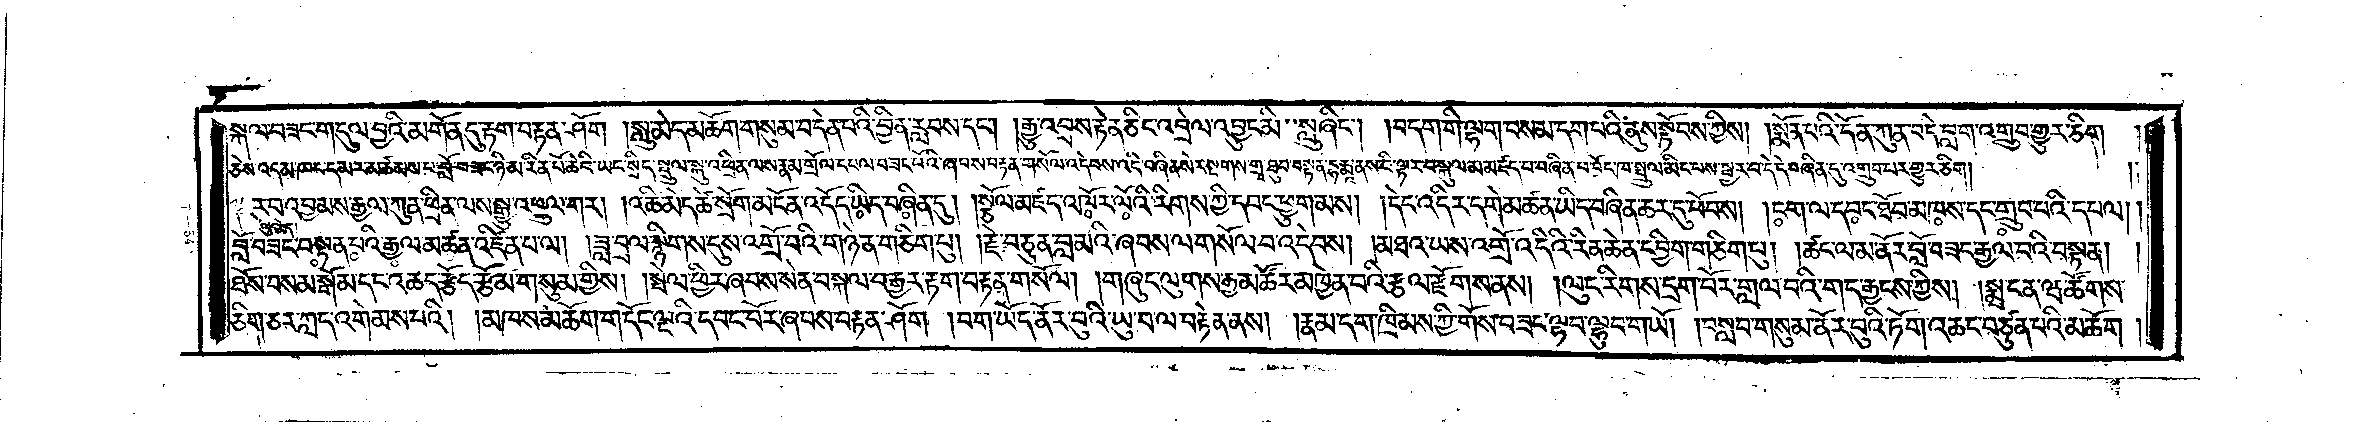སྐལ་བཟང་གདུལ་བྱའི་མགོན་དུ་རྟག་བརྟན་ཤོག །སླུ་མེད་མཆོག་གསུམ་བདེན་པའི་བྱིན་རླབས་དང་། །རྒྱུ་འབྲས་རྟེན་ཅིང་འབྲེལ་འབྱུང་མི་བསླུ་ཞིང་། །བདག་གི་ལྷག་བསམ་དག་པའི་ནུས་སྟོབས་ཀྱིས། །སྨོན་པའི་དོན་ཀུན་བདེ་བླག་འགྲུབ་གྱུར་ཅིག །
ཅེས་འདམ་ཁང་དམར་མཚམས་བ་བློ་བཟང་ཉི་མ་རིན་པོ་ཆེའི་ཡང་སྲིད་སྤྲུལ་སྐུ་འཕྲིན་ལས་རྣམ་གྲོལ་དཔལ་བཟང་པོའི་ཞབས་བརྟན་གསོལ་འདེབས་འདི་བཞིན་སེར་སྔགས་གྲྭ་ཐུབ་བསྟན་དྷརྨཱ་ནས་ཇི་ལྟར་བསྐུལ་མ་མཛད་བ་བཞིན་བ་བོང་ཁ་སྦྲུལ་མིང་པས་སྦྱར་བ་དེ་དེ་བཞིན་དུ་འགྲུབ་པར་གྱུར་ཅིག །  །།
༈ རབ་འབྱམས་རྒྱལ་ཀུན་ཕྲིན་ལས་སྒྱུ་འཕྲུལ་གར། །འཆི་མེད་ཚེ་སྲོག་མངོན་འདོད་ཡིད་བཞིན་དུ། །སྩོལ་མཛད་འཁོར་ལོའི་རིགས་ཀྱི་དབང་ཕྱུག་མས། །དེང་འདིར་དགེ་མཚན་ཡིད་བཞིན་ཆར་དུ་ཕོབས། །ངག་ལ་དབང་ཐོབ་མཁས་དང་གྲུབ་པའི་དཔལ། །
བློ་བཟང་བསྟན་པའི་རྒྱལ་མཚན་འཛིན་པ་ལ། །ཟླ་བྲལ་སྙིགས་དུས་འགྲོ་བའི་གཉེན་གཅིག་པུ། །རྗེ་བཙུན་བླ་མའི་ཞབས་ལ་གསོལ་བ་འདེབས། །མཐའ་ཡས་འགྲོ་འདིའི་རིན་ཆེན་དབྱིག་གཅིག་བུ། །ཚང་ལ་མ་ནོར་བློ་བཟང་རྒྱལ་བའི་བསྟན། །
ཐོས་བསམ་སྒོམ་དང་འཆད་རྩོད་རྩོམ་གསུམ་གྱིས། །སྤེལ་ཕྱིར་ཞབས་སེན་བསྐལ་བརྒྱར་རྟག་བརྟན་གསོལ། །གཞུང་ལུགས་རྒྱ་མཚོར་མཁྱེན་པའི་རྩལ་རྫོགས་ནས། །ལུང་རིགས་དྲག་པོར་གླ་ལ་པའི་གད་རྒྱངས་ཀྱིས། །སྨྲ་ངན་ཝ་ཚོགས་
ཅིག་ཅར་ཀླད་འགེམས་བའི། །མཁས་མཆོག་གདོང་ལྔའི་དབང་པོར་ཞབས་བརྟན་ཤོག །བག་ཡོད་ནོར་བུའི་ཡུ་བ་ལ་བརྟེན་ནས། །རྣམ་དག་ཁྲིམས་ཀྱི་གོས་བཟང་ལྷབ་ལྷུབ་གཡོ། །བསླབ་གསུམ་ནོར་ཕུའི་ཏོག་འཆང་བཙུན་པའི་མཆོག །